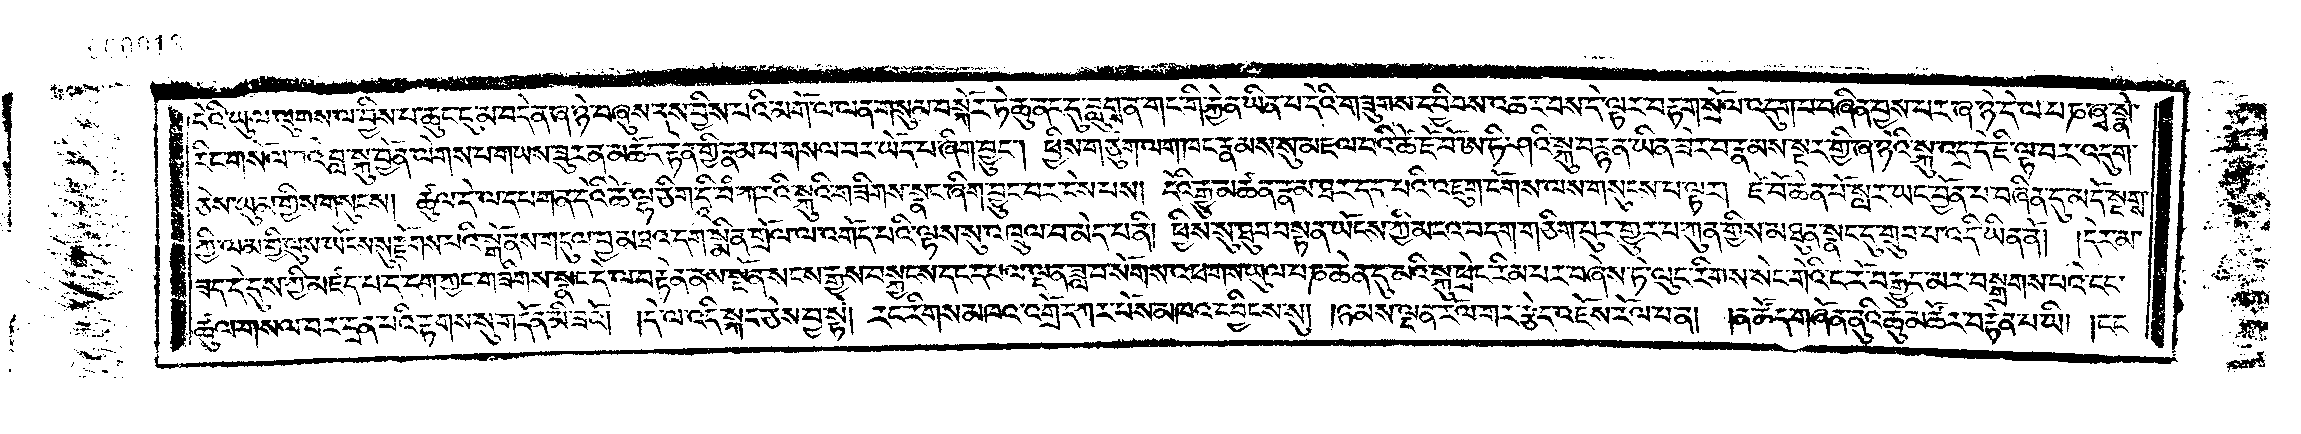དེའི་ཡུལ་ལུགས་ལ་བྱིས་པ་ཆུང་དུ་མ་བདེན་ཞ་ཉེ་བཞུས་ནས་བྱིས་པའི་མགོ་ལ་ལན་གསུམ་བསྐོར་ཏེ་ཆུ་ནང་དུ་བླུགས་ན་གང་གི་རྐྱེན་ཡིན་པ་དེའི་གཟུགས་དབྱིབས་འཆར་བས་དེ་ལྟར་བརྟག་སྲོལ་འདུག་པ་བཞིན་བྱས་པར་ཞ་ཉེ་དེ་ལ་པཎ་ཞྭ་སྣེ་
རིང་གསོལ་བའི་བླ་སྐུ་བྱོན་ལེགས་པ་གཡས་ཟུར་ན་མཆོད་རྟེན་གྱི་རྣམ་པ་གསལ་བར་ཡོད་པ་ཞིག་བྱུང་། ཕྱིས་གཙུག་ལག་ཁང་རྣམས་སུ་མཇལ་བའི་ཚེ་ཇོ་བོ་ཨ་ཏི་ཤའི་སྐུ་བརྙན་ཡིན་ཟེར་བ་རྣམས་སྔར་གྱི་ཞ་ཉེའི་སྐུ་འདྲ་དེ་ཇི་ལྟ་བར་འདུག་
ཅེས་ཡུམ་གྱིས་གསུངས། ཚུལ་དེ་ལ་དཔག་ན་དེའི་ཚེ་ལྷ་ཅིག་འདི་བི་ཀ་རའི་སྐུའི་གཟིགས་སྣང་ཞིག་བྱུང་བར་ངེས་པས། དེའི་རྒྱུ་མཚན་རྣམ་ཐར་དང་པའི་འཇུག་ངོགས་ལས་གསུངས་པ་ལྟར། ཇོ་བོ་ཆེན་པོ་སླར་ཡང་བྱོན་པ་བཞིན་དུ་མདོ་སྔགས་
ཀྱི་ལམ་གྱི་ལུས་ཡོངས་སུ་རྫོགས་པའི་སྒོ་ནས་གདུལ་བྱ་མཐའ་དག་སྨིན་གྲོལ་ལ་འགོད་པའི་ལྷས་སུ་འཁྲུལ་བ་མེད་པ་ནི། ཕྱིས་སུ་ཐུབ་བསྟན་ཡོངས་ཀྱི་མངའ་བདག་གཅིག་པུར་གྱུར་པ་ཀུན་གྱིས་མཐུན་སྣང་དུ་གྲུབ་པ་འདི་ཡིན་ནོ། །དེར་མ་
ཟད་དེ་དུས་ཀྱི་མཛད་པ་དེ་དག་ཀྱང་གཟིགས་སྣང་དེ་ལ་བརྟེན་ནས་སྔོན་སངས་རྒྱས་བསྐྱངས་དང་དཔལ་ལྡན་ཟླ་བ་སོགས་འཕགས་ཡུལ་པཎ་ཆེན་དུ་མའི་སྐུ་ཕྲེང་རིམ་པར་བཞེས་ཏེ་ལུང་རིགས་སེང་གེའི་ང་རོ་བརྒྱུད་མར་བསྒྲགས་པའི་དང་
ཚུལ་གསལ་བར་དྲན་པའི་རྟགས་སུ་གདོན་མི་ཟའོ། །དེ་ལ་འདི་སྐད་ཅེས་བྱ་སྟེ། རང་རིགས་མཁའ་འགྲོ་དཀར་པོས་མཁའ་དབྱིངས་སུ། །ཉམས་ལྡན་རལ་གར་རྩེད་འཇོས་རོལ་པ་ན། །ན་ཚོད་གཞོན་ནུའི་ཆུ་མཚོར་བརྟེན་པ་ཡི། །དང་